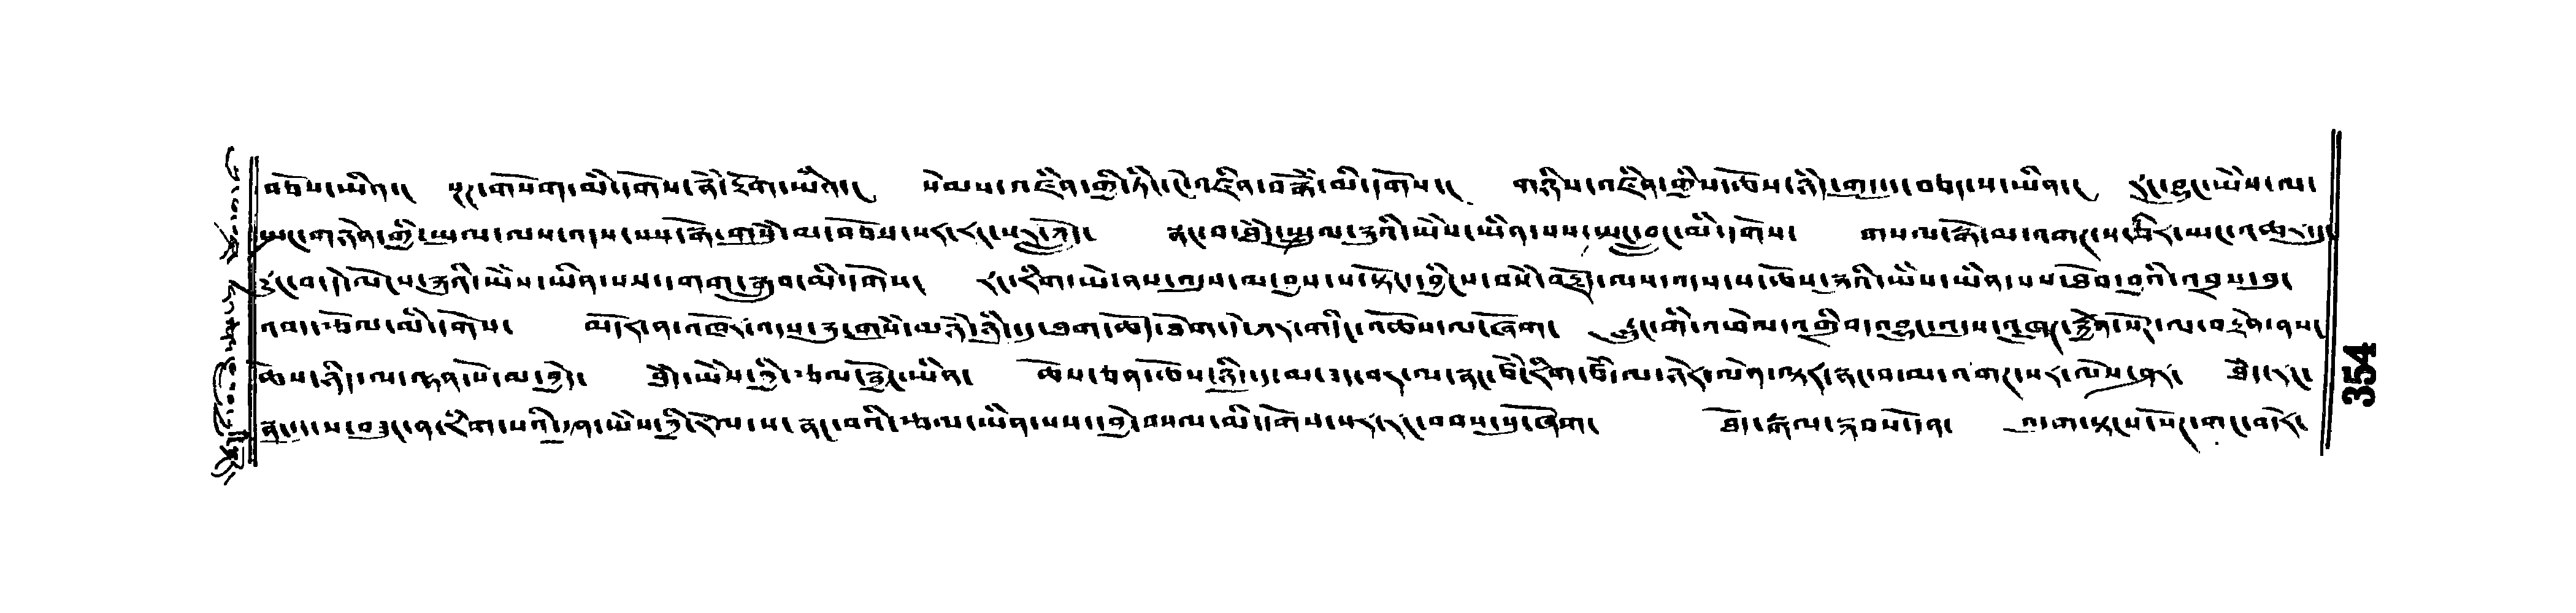བཅོས་ཡིན། སྔགས་གསོག་མི་དགོས་རྣམ་རྟོག་ཡིན། སེམས་འཛིན་གྱི་ཏིང་ངེ་འཛིན་བསྒོམས་མི་དགོས། གཉིས་འཛིན་གྱིས་ཆོས་ཉིད་གུད་དུ་བཅད་པ་ཡིན། རང་བྱུང་ཡེ་ཤེས་ལ་
སྤང་གཉེན་གྱི་ཡུལ་ལས་འདས་པས་སྒོ་གསུམ་མ་བཅོས་པར་རང་སར་ཀློད། སྣང་བ་ཐམས་ཅད་སྤྲུལ་སྐུའི་ཡེ་ཤེས་ཡིན་པས་སྤང་བླང་མི་དགོས། གསལ་སྒོ་མ་འགགས་པ་ཅིར་ཡང་འཆར་དུ་
རུང་བ་དེ་ལོངས་སྐུའི་ཡེ་ཤེས་ཡིན་པས་དགག་སྒྲུབ་མི་དགོས། རང་རིག་ཡེ་ནས་འདུས་མ་བྱས་པ་སྟོང་དབྱིངས་བསམ་བརྗོད་ལས་འདས་པ་ཆོས་སྐུའི་ཡེ་ཤེས་ཡིན་པས་ཐོབ་བྱའི་འབྲས་བུར་
འབད་རྩོལ་མི་དགོས། མདོར་ན་འཁོར་འདས་སྐུ་གསུམ་མཉམ་ཉིད་དུ་ཐག་ཆོད་ཐོག་དེ་ཀར་གདིང་འཆོས་ལ་ཞོགརླུང་གི་འཕེལ་འགྲིབ་འབྱུང་འདུས་འཁྲུགས་རྐྱེན་སོགས་ལ་བརྟེན་ནས་
ཆོས་ཉིད་ལ་ལྷན་པོ་མ་བྱེད། ཐམས་ཅད་ཡེ་ཤེས་ཀྱི་རྩལ་སྦྱོང་ཡིན། ཆོས་ཅན་ཆོས་ཉིད་དུ་མ་ཟད་བར་ལ་སྣང་ཙམ་རིག་ཙམ་ལ་ཉེར་ལེན་ལྟར་སྣང་བ་མ་འགགས་པར་ལོས་ཤར། ཐམས་ཅད་རང་
སྣང་དུ་ས་བཟུང་ན་རིག་པའི་རྒྱན་ཡེ་ཤེས་ཀྱི་རོལ་བ་སྣང་བའི་རྩལ་ཡིན་པས་དབྱེ་བསལ་མི་དགོས་པར་རང་བབས་སུ་ཞོག ཐོད་རྒལ་སྐབས་དོན། འདུག་སྟངས་སོགས་གང་བདེར་